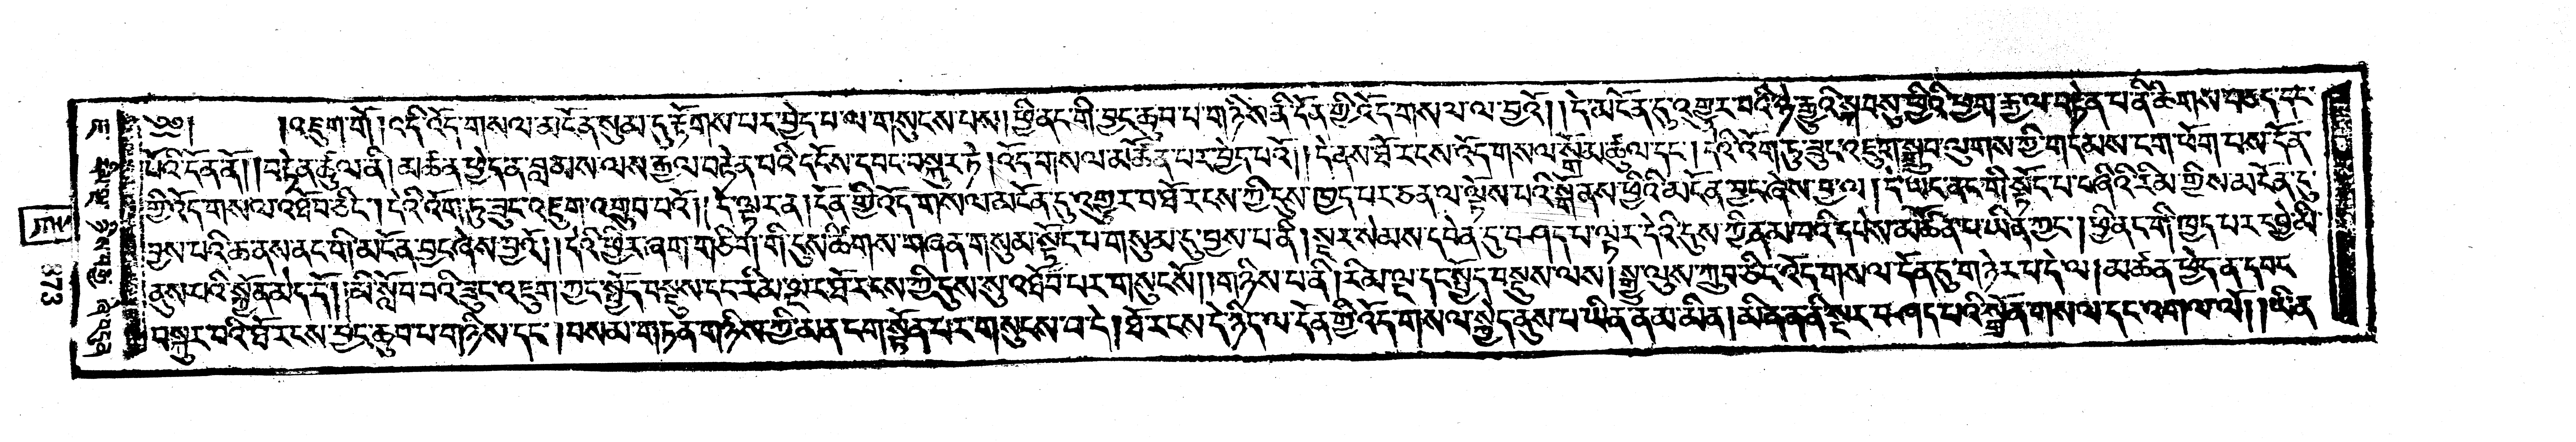༄༅། །འཇུག་གོ །འདི་འོད་གསལ་མངོན་སུམ་དུ་རྟོགས་པར་བྱེད་པ་ལ་གསུངས་པས། ཕྱི་ནང་གི་བྱང་ཆུབ་པ་གཉིས་ནི་དོན་གྱི་འོད་གསལ་ལ་བྱའོ། །དེ་མངོན་དུ་འགྱུར་བའི་ཉེ་རྒྱུའི་སྐབས་སུ་ཕྱིའི་ཕྱག་རྒྱ་ལ་བརྟེན་པ་ནི་ཚིགས་བཅད་དང་
པོའི་དོན་ནོ། །བརྟེན་ཚུལ་ནི། མཚན་ཕྱེད་ན་བླ་མས་ལས་རྒྱལ་བརྟེན་པའི་དངོས་དབང་བསྐུར་ཏེ། འོད་གསལ་མཚོན་པར་བྱེད་པའོ། །དེ་ནས་ཐོ་རངས་འོད་གསལ་སྒོམ་ཚུལ་དང་། དེའི་འོག་ཏུ་ཟུང་འཇུག་སྒྲུབ་ལུགས་ཀྱི་གདམས་ངག་ཕོག་པས་དོན་
གྱི་འོད་གསལ་འཐོབ་ཅིང་། དེའི་འོག་ཏུ་ཟུང་འཇུག་འགྲུབ་པའོ། །དེ་ལྟར་ན། དོན་གྱི་འོད་གསལ་མངོན་དུ་འགྱུར་བ་ཐོ་རངས་ཀྱི་དུས་ཁྱད་པར་ཅན་ལ་ལྟོས་པའི་སྒོ་ནས་ཕྱིའི་མངོན་བྱང་ཞེས་བྱ་ལ། དེ་ཡང་ནང་གི་སྟོང་པ་བཞིའི་རིམ་གྱིས་མངོན་དུ་
བྱས་པའི་ཆ་ནས་ནང་གི་མངོན་བྱང་ཞེས་བྱའོ། །དེའི་ཕྱིར་ཞག་གཅིག་གི་དུས་ཚིགས་གཞན་གསུམ་སྟོང་པ་གསུམ་དུ་བྱས་པ་ནི། སྔར་སེམས་དབེན་དུ་བཤད་པ་ལྟར་དེའི་དུས་ཀྱི་ནམ་མཁའི་དཔེས་མཚོན་པ་ཡིན་ཀྱང་། ཕྱི་ནང་གི་ཁྱད་པར་དབྱེ་མི་
ནུས་པའི་སྐྱོན་མེད་དོ། །མི་སློབ་བའི་ཟུང་འཇུག་ཀྱང་སྤྱོད་བསྡུས་དང་རིམ་ལྔར་ཐོ་རངས་ཀྱི་དུས་སུ་འཐོབ་པར་གསུངས་སོ། །གཉིས་པ་ནི། རིམ་ལྔ་དང་སྤྱོད་བསྡུས་ལས། སྒྱུ་ལུས་གྲུབ་ཅིང་འོད་གསལ་དོན་དུ་གཉེར་བ་དེ་ལ། མཚན་ཕྱེད་ན་དབང་
བསྐུར་བའི་ཐོ་རངས་བྱང་ཆུབ་པ་གཉིས་དང་། བསམ་གཏན་གཉིས་ཀྱི་མན་ངག་སྟོན་པར་གསུངས་པ་དེ། ཐོ་རངས་དེ་ཉིད་ལ་དོན་གྱི་འོད་གསལ་སྐྱེད་ནུས་པ་ཡིན་ནམ་མིན། མིན་ན་ནི་སྔར་བཤད་པའི་སྒྲོན་གསལ་དང་འགལ་ལོ། །ཡིན་